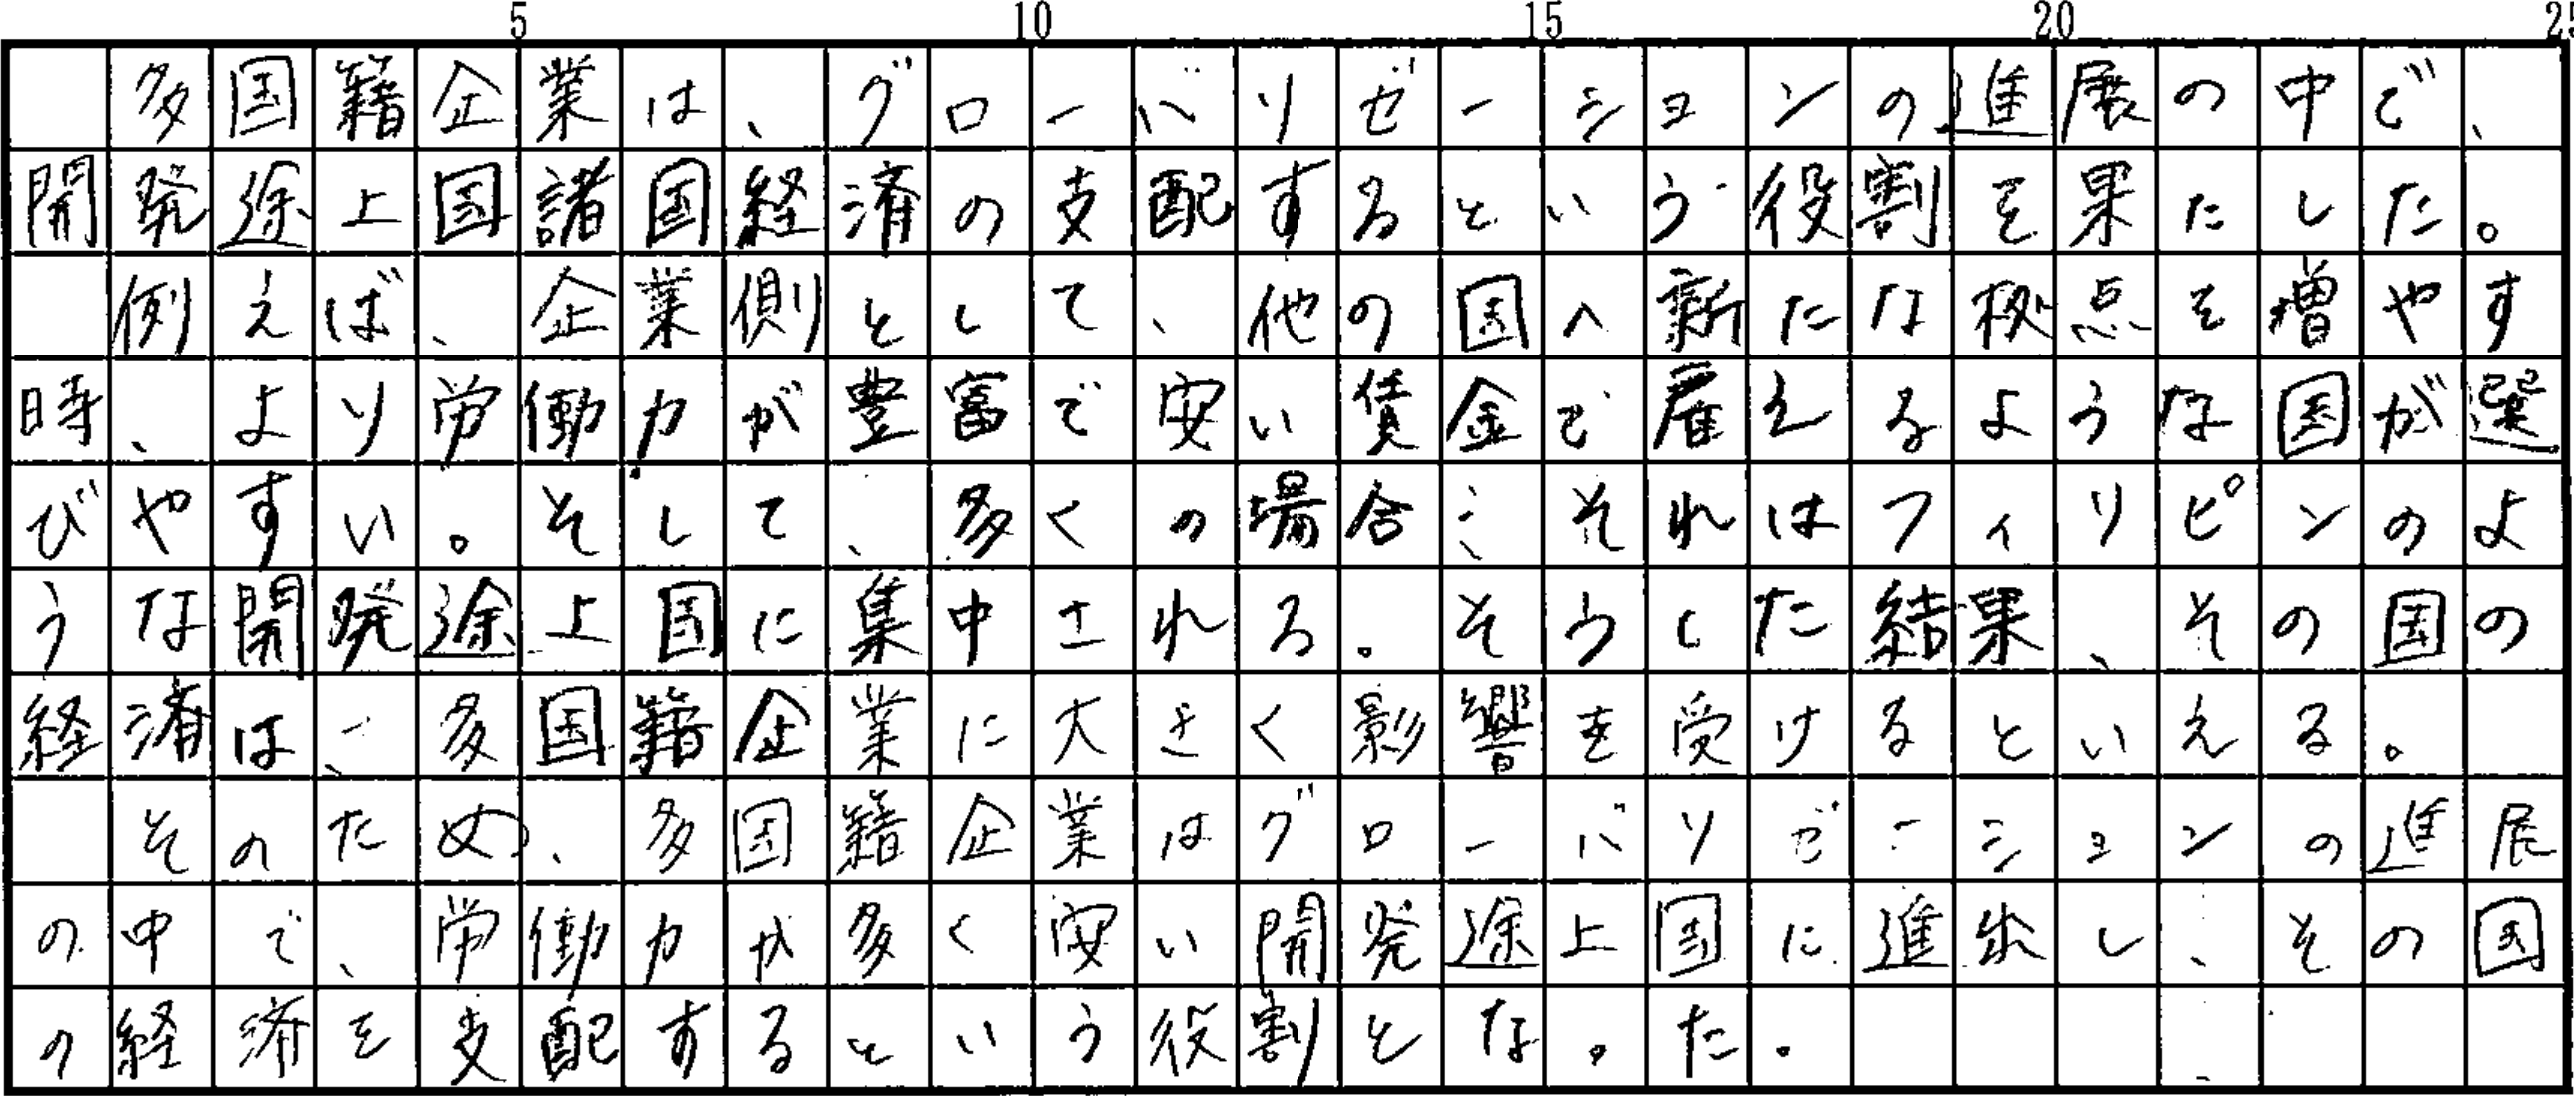　多国籍企業は、グローバリゼーションの進展の中で、開発途上国諸国経済の支配するという役割を果たした。
　例えば、企業側として、他の国へ新たな拠点を増やす時、より労働力が豊富で安い賃金で雇えるような国が選びやすい。そして、多くの場合、それはフィリピンのような開発途上国に集中される。そうした結果、その国の経済は、多国籍企業に大きく影響を受けるといえる。
　そのため、多国籍企業はグローバリゼーションの進展の中で、労働力が多く安い開発途上国に進出し、その国の経済を支配するという役割となった。
